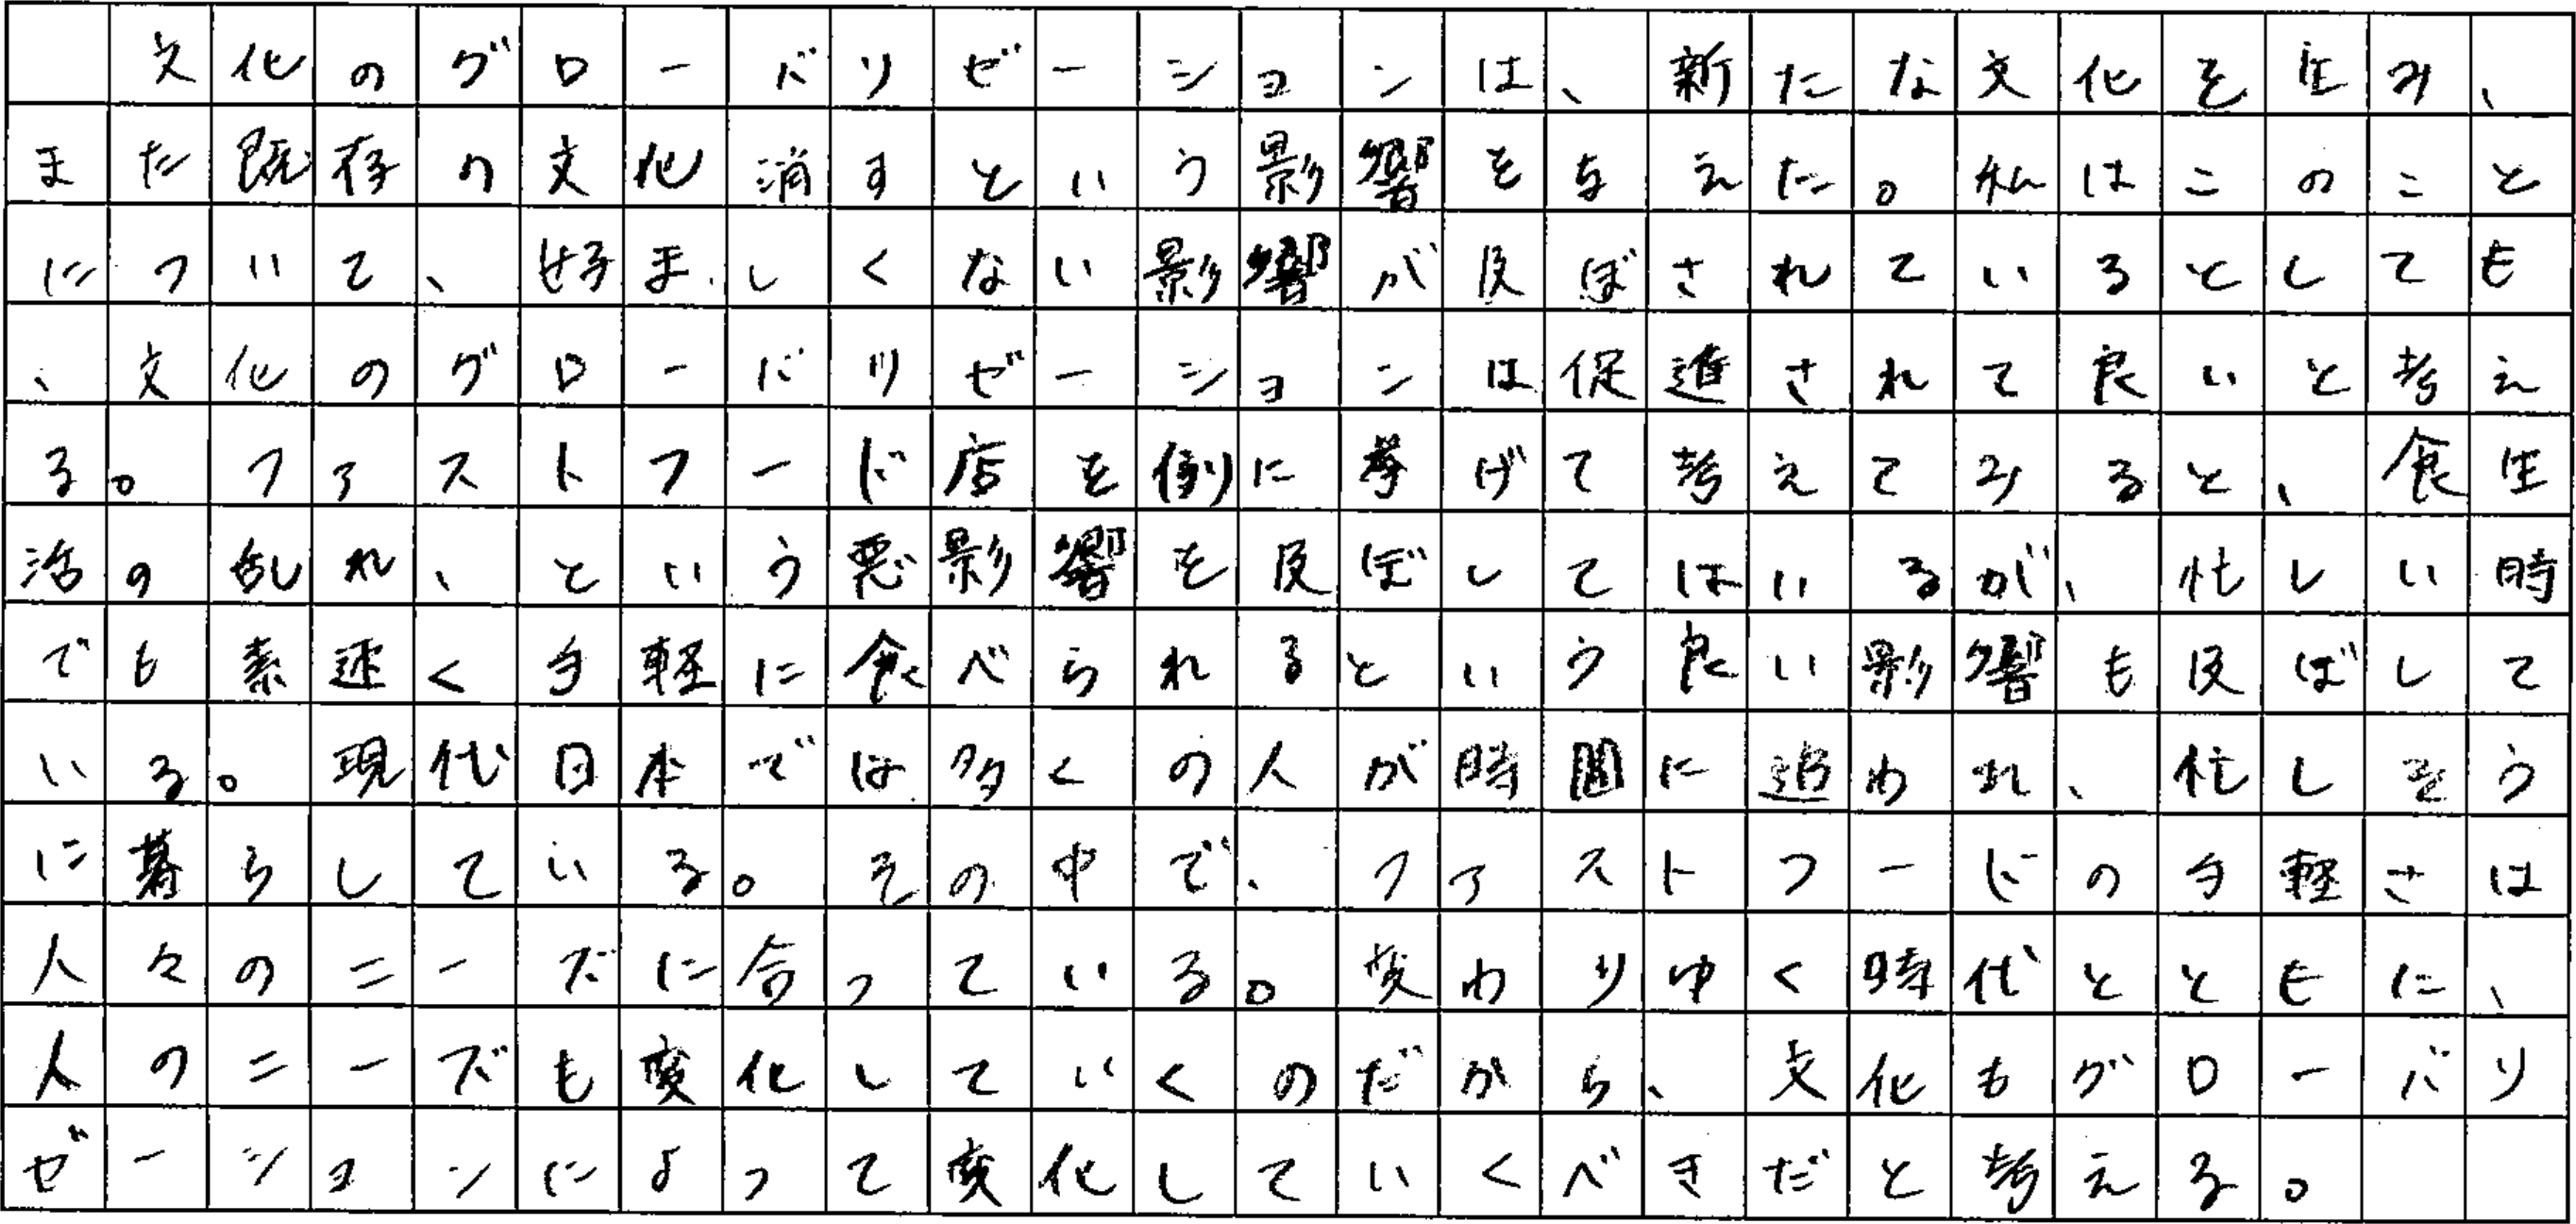　文化のグローバリゼーションは、新たな文化を生み、また既存の文化消すという影響を与えた。私はこのことについて、好ましくない影響が及ぼされているとしても、文化のグローバリゼーションは促進されて良いと考える。ファストフード店を例に挙げて考えてみると、食生活の乱れ、という悪影響を及ぼしてはいるが、忙しい時でも素速く手軽に食べられるという良い影響も及ぼしている。現代日本では多くの人が時間に追われ、忙しそうに暮らしている。その中で、ファストフードの手軽さは人々のニーズに合っている。変わりゆく時代とともに、人のニーズも変化していくのだから、文化もグローバリゼーションによって変化していくべきだと考える。
